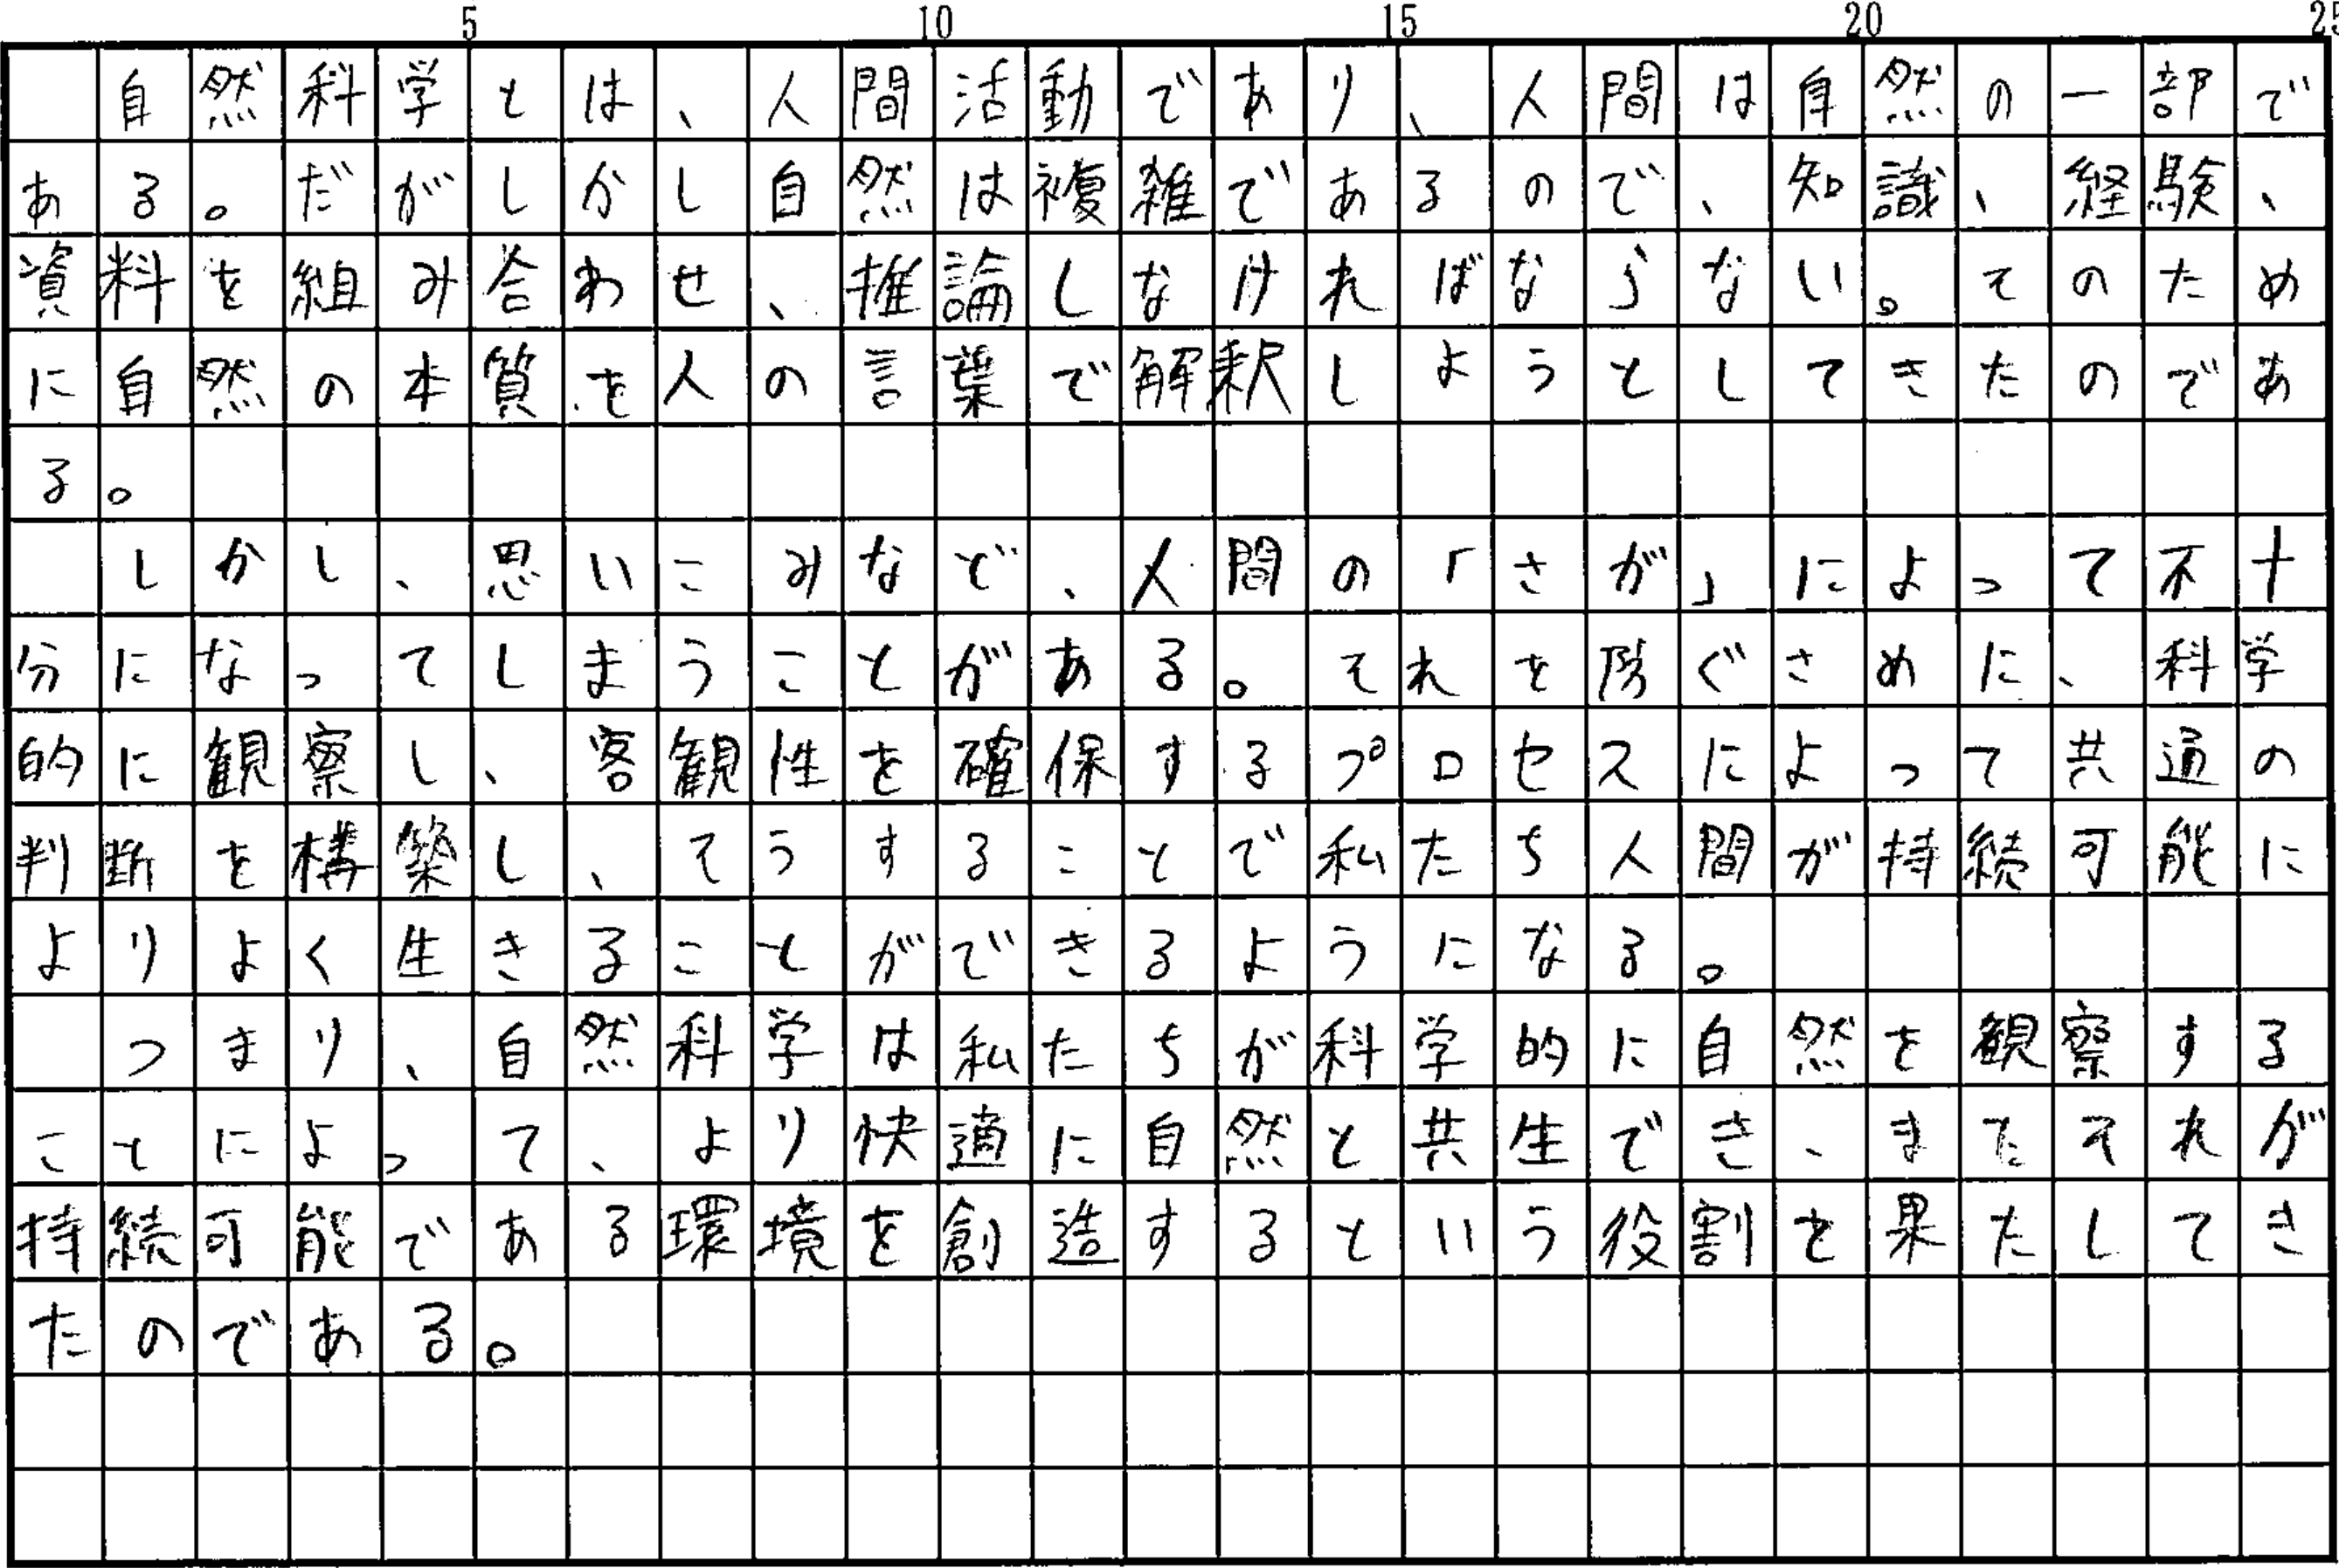　自然科学とは、人間活動であり、人間は自然の一部である。だがしかし自然は複雑であるので、知識、経験、資料を組み合わせ、推論しなければならない。そのために自然の本質を人の言葉で解釈しようとしてきたのである。
　しかし、思いこみなど、人間の「さが」によって不十分になってしまうことがある。それを防ぐさめに、科学的に観察し、客観性を確保するプロセスによって共通の判断を構築し、そうすることで私たち人間が持続可能によりよく生きることができるようになる。
　つまり、自然科学は私たちが科学的に自然を観察することによって、より快適に自然と共生でき、またそれが持続可能である環境を創造するという役割を果たしてきたのである。
